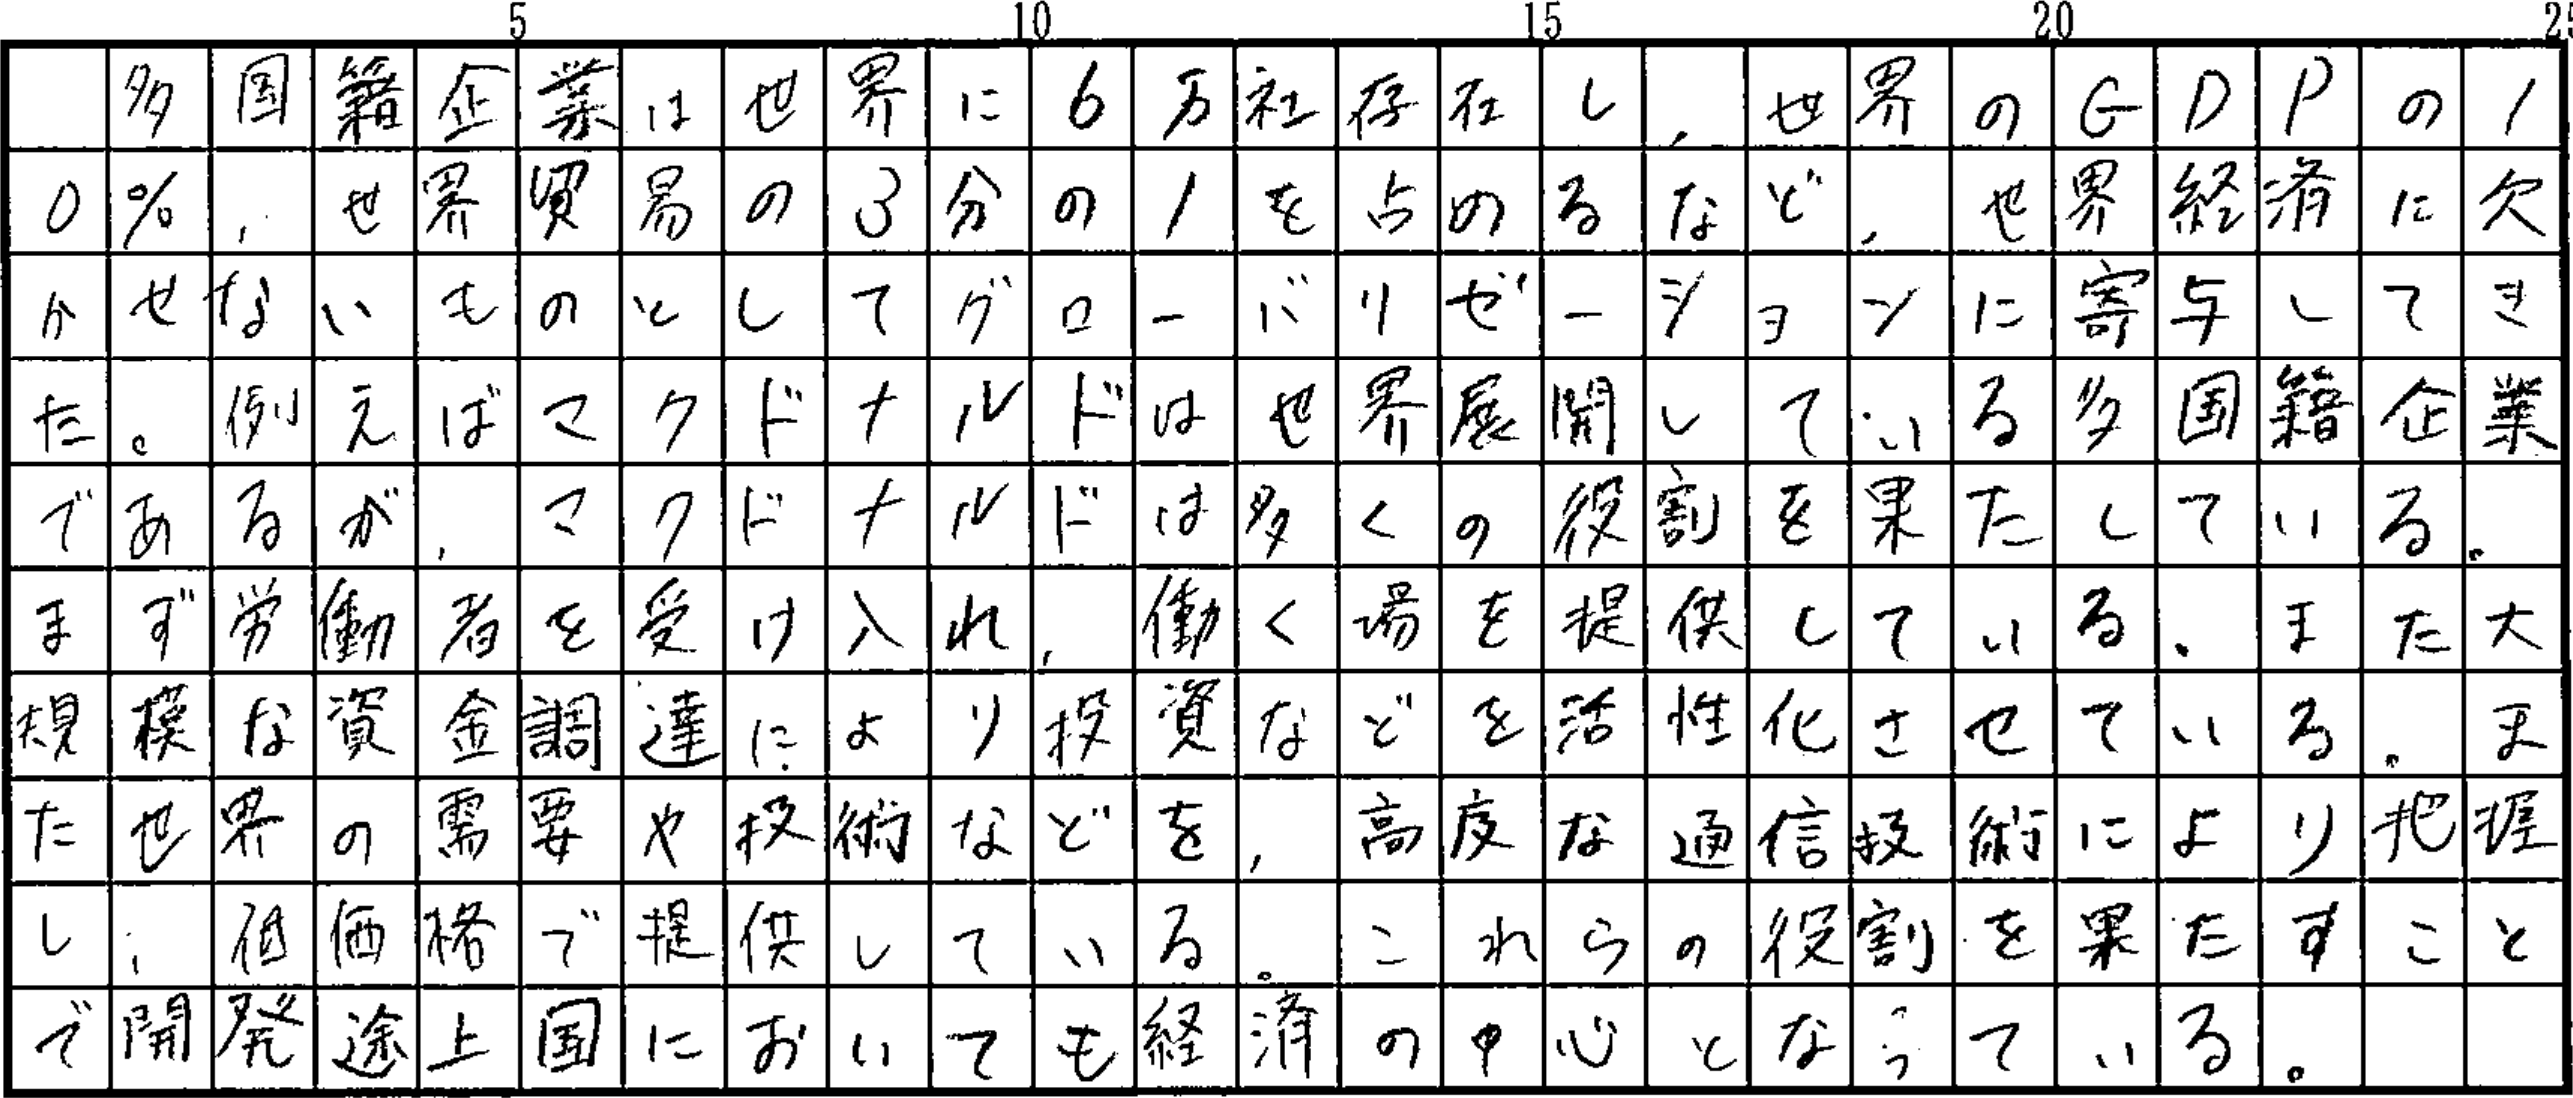　多国籍企業は世界に６万社存在し、世界のＧＤＰの１０％、世界貿易の３分の１を占めるなど、世界経済に欠かせないものとしてグローバリゼーションに寄与してきた。例えばマクドナルドは世界展開している多国籍企業であるが、マクドナルドは多くの役割を果たしている。まず労働者を受け入れ、働く場を提供している。また大規模な資金調達により投資などを活性化させている。また世界の需要や扱術などを、高度な通信扱術により把握し、低価格で提供している。これらの役割を果たすことで開発途上国においても経済の中心となっている。
